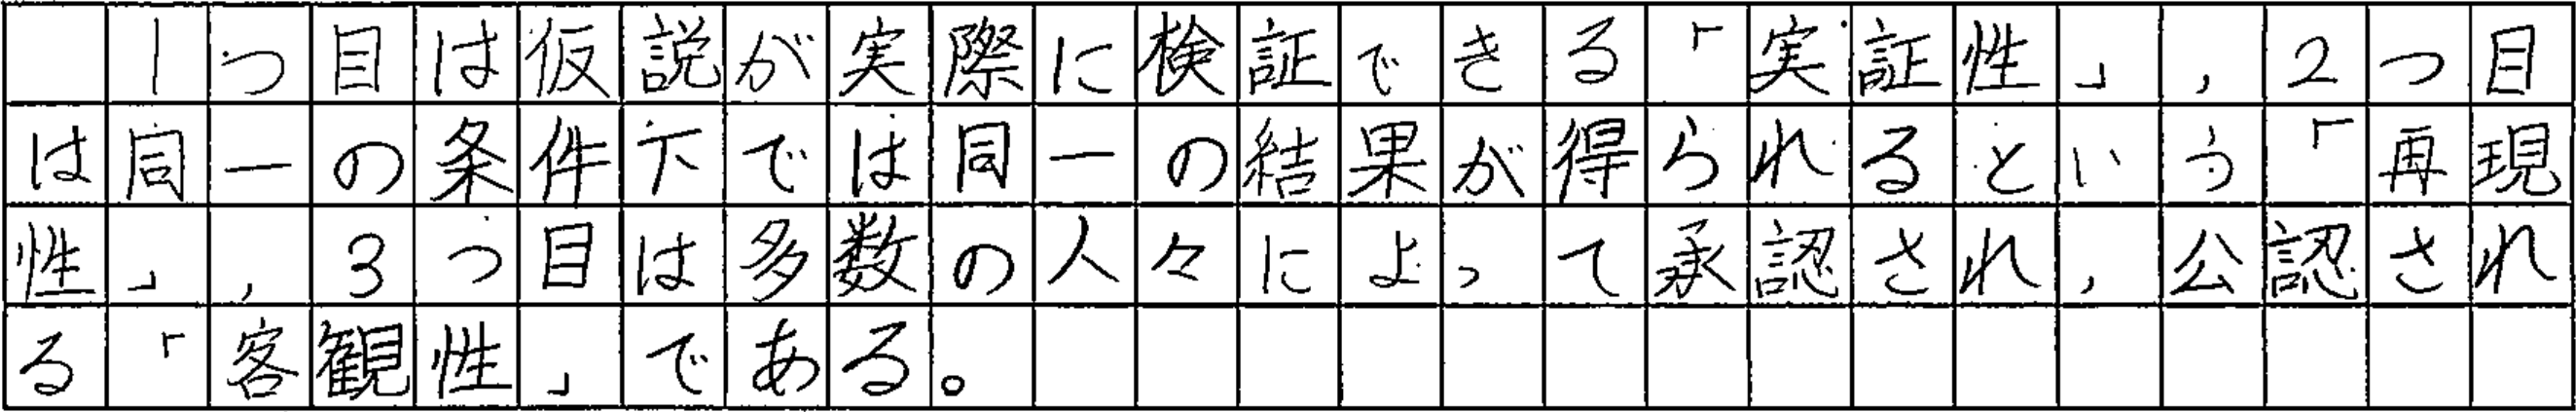　１つ目は仮説が実際に検証できる「実証性」、２つ目は同一の条件下では同一の結果が得られるという「再現性」、３つ目は多数の人々によって承認され、公認される「客観性」である。
